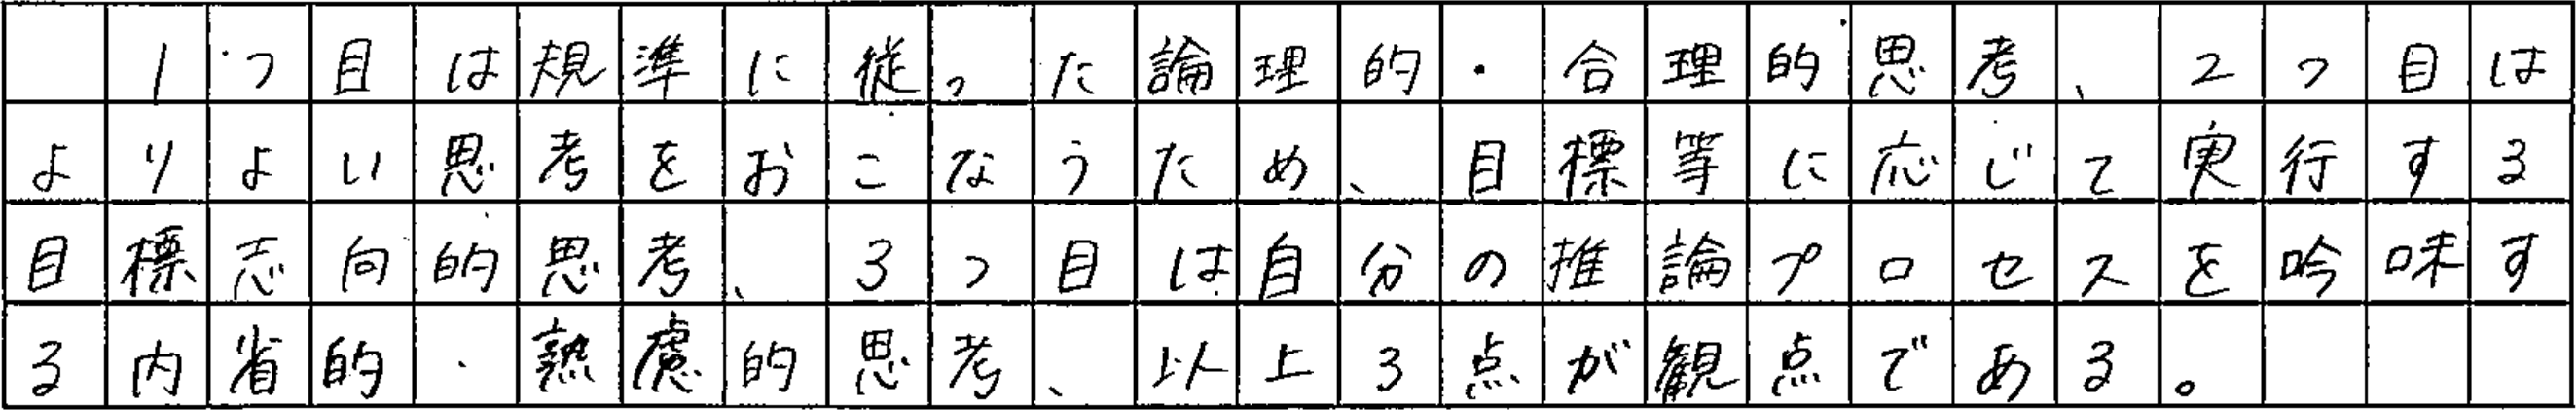　１つ目は規準に従った論理的・合理的思考、２つ目はよりよい思考をおこなうため、目標等に応じて実行する目標志向的思考、３つ目は自分の推論プロセスを吟味する内省的・熟慮的思考、以上３点が観点である。
